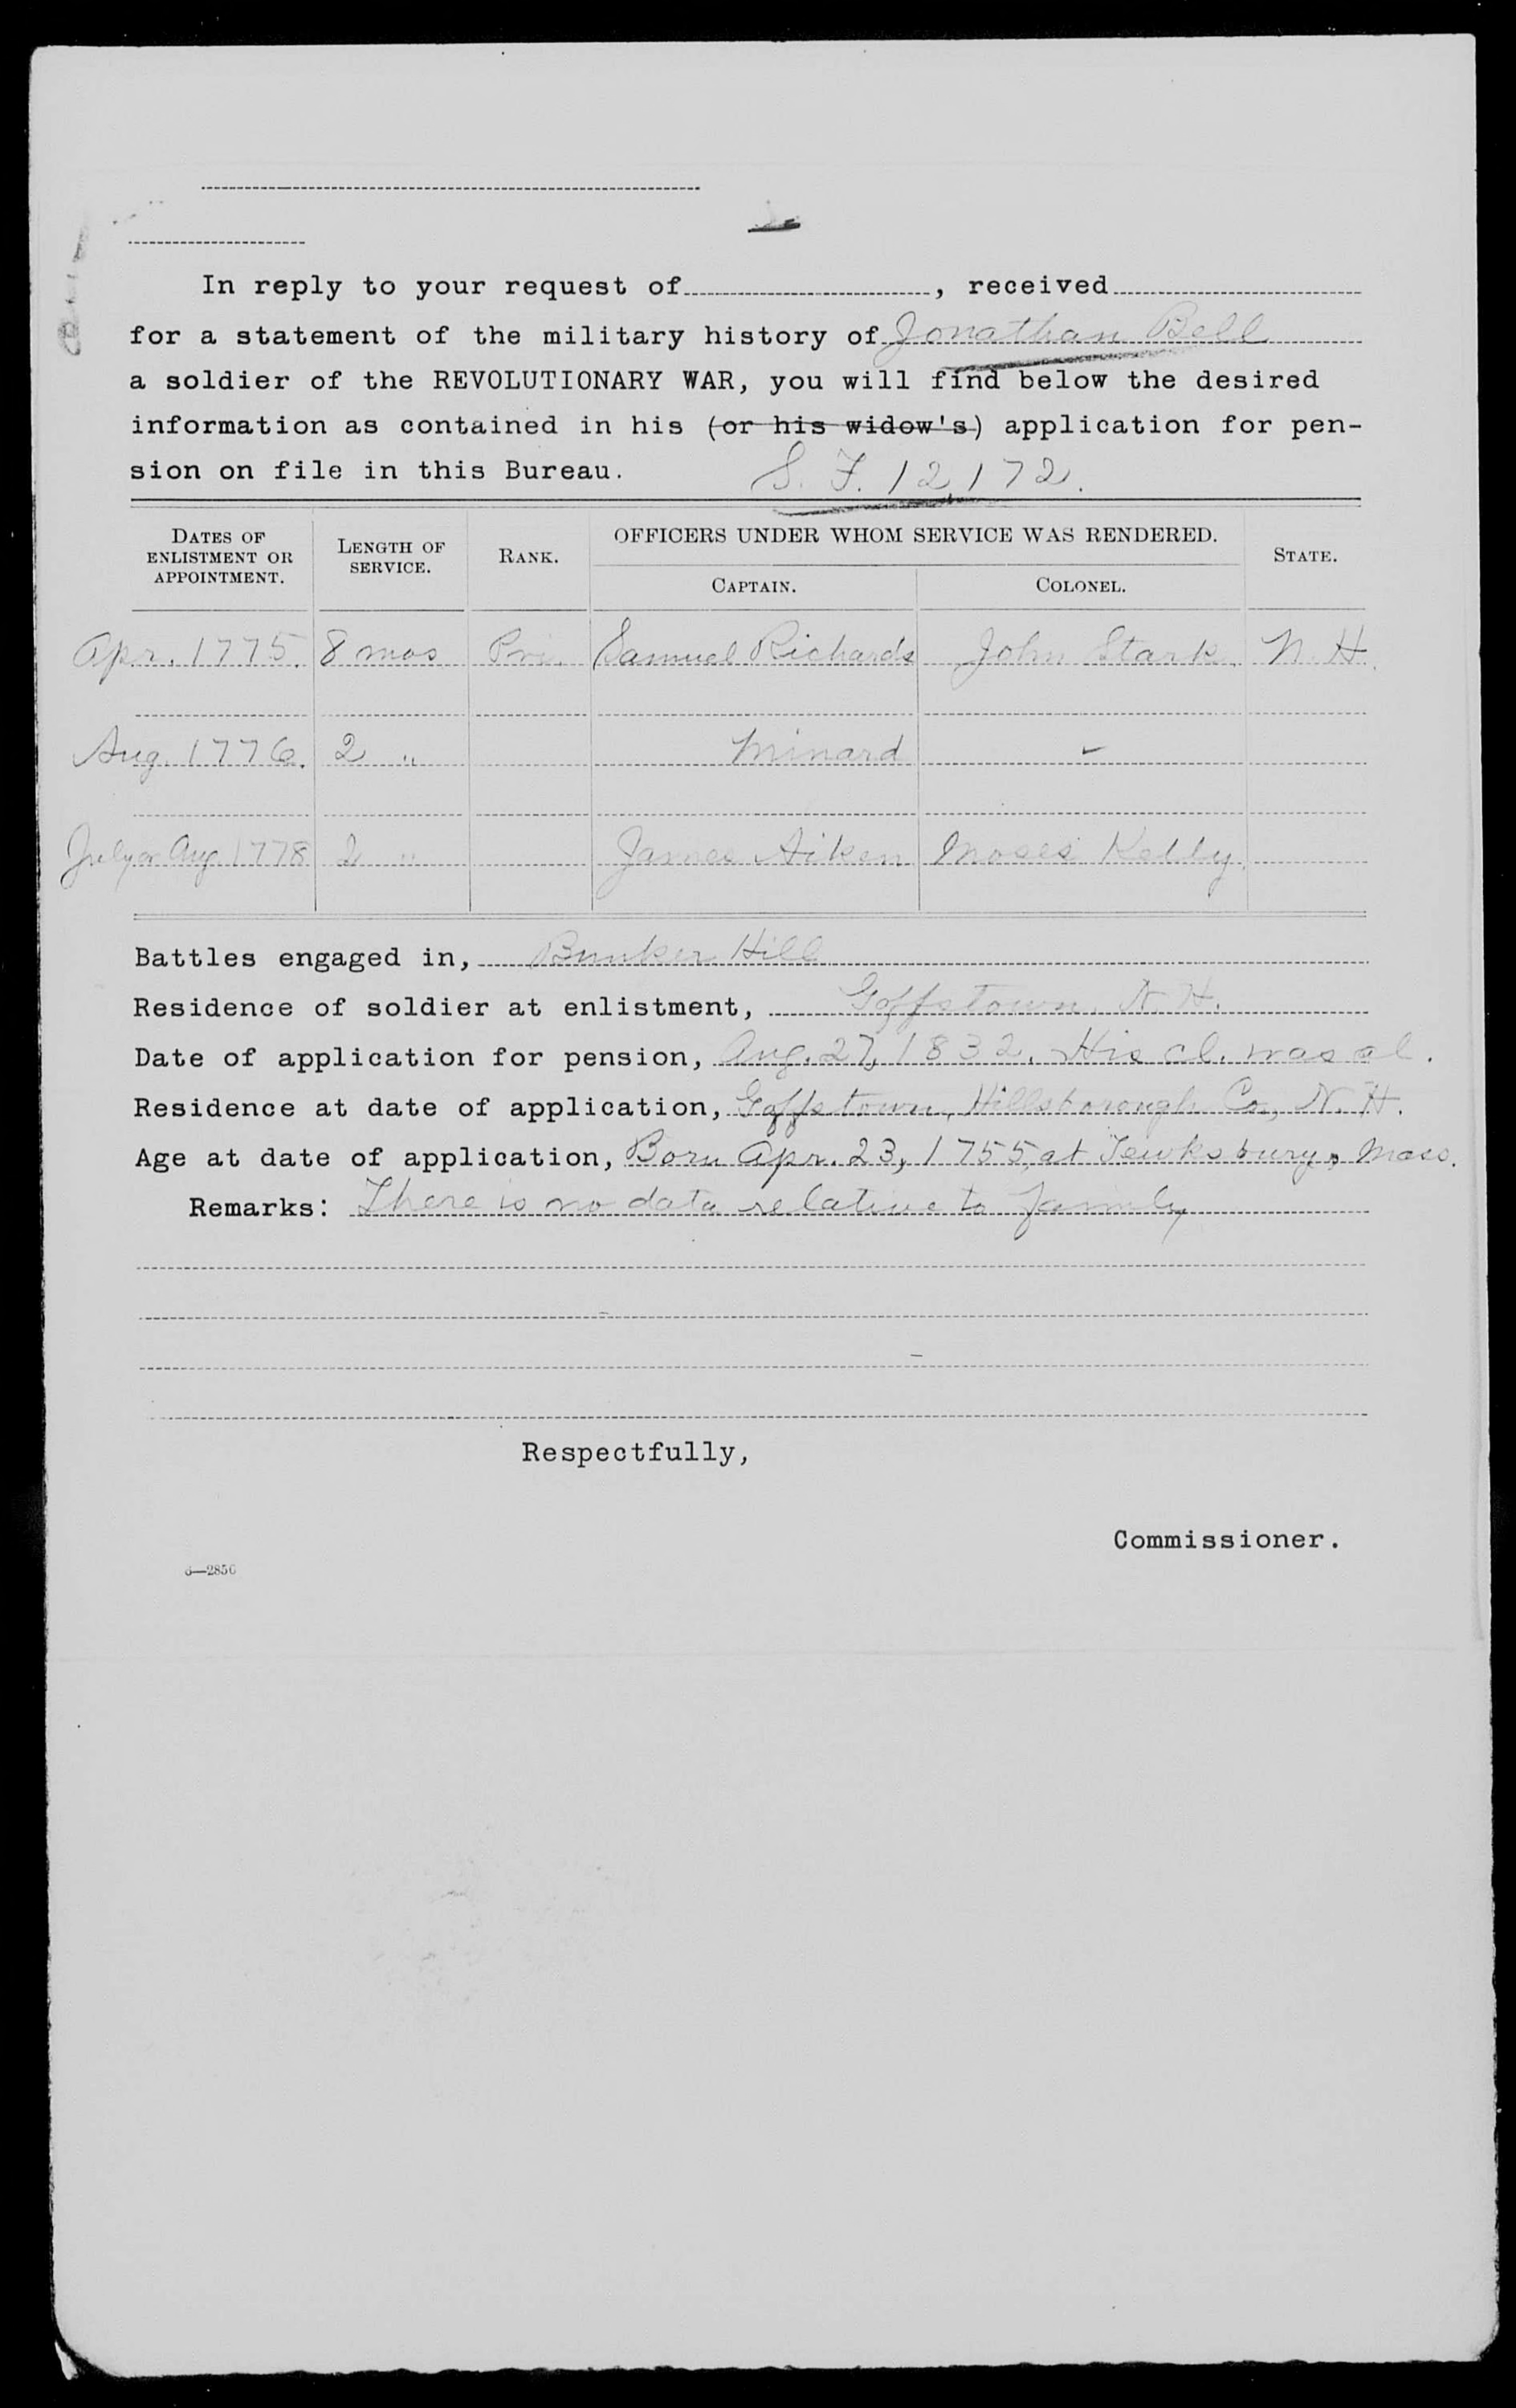In reply to your request of [blank], received [blank] for a statement of the military history of Jonathan Bell a soldier of the REVOLUTIONARY WAR, you will find below the desired information as contained in his ['(or his widow's)' crossed out] application for pension on file in this Bureau. S.F. 12,172. [initials: own]
[column headings: DATES OF ENLISTMENT OR APPOINTMENT.|LENGTH OF SERVICE.|RANK.|OFFICERS UNDER WHOM SERVIVCE WAS RENDERED.(CAPTAIN.|COLONEL.)|STATE.|]
Apr. 1775|8 mos|Pri.|(Samuel Richards|John Stark)|N.H.|
Aug. 1776|2 " |[blank]|(Minard (Maynard)| ✓ )|[blank]|
July or Aug 1778|2 " |[blank]|(James Aiken|Moses Kelly)|[blank]|
[end of columns]
Battles engaged in, Bunker Hill
Residence of soldier at enlistment, Goffstown, N.H. 
Date of application for pension, Aug. 27, 1832. His cl. was al.
Residence at date of application, Goffstown, Hillsborough Co., N.H. 
Age at date of application, Born Apr. 23, 1755, at Tewksbury, Mass.
Remarks: There is no data relative to family
Respectfully, 
[blank] Commissioner
6-2856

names: Jonathan Bell, Moses Kelly, Samuel Richards, Minard, James Aiken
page: 7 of 13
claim: survivor's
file: S. 12172, Jonathan Bell, N.H.